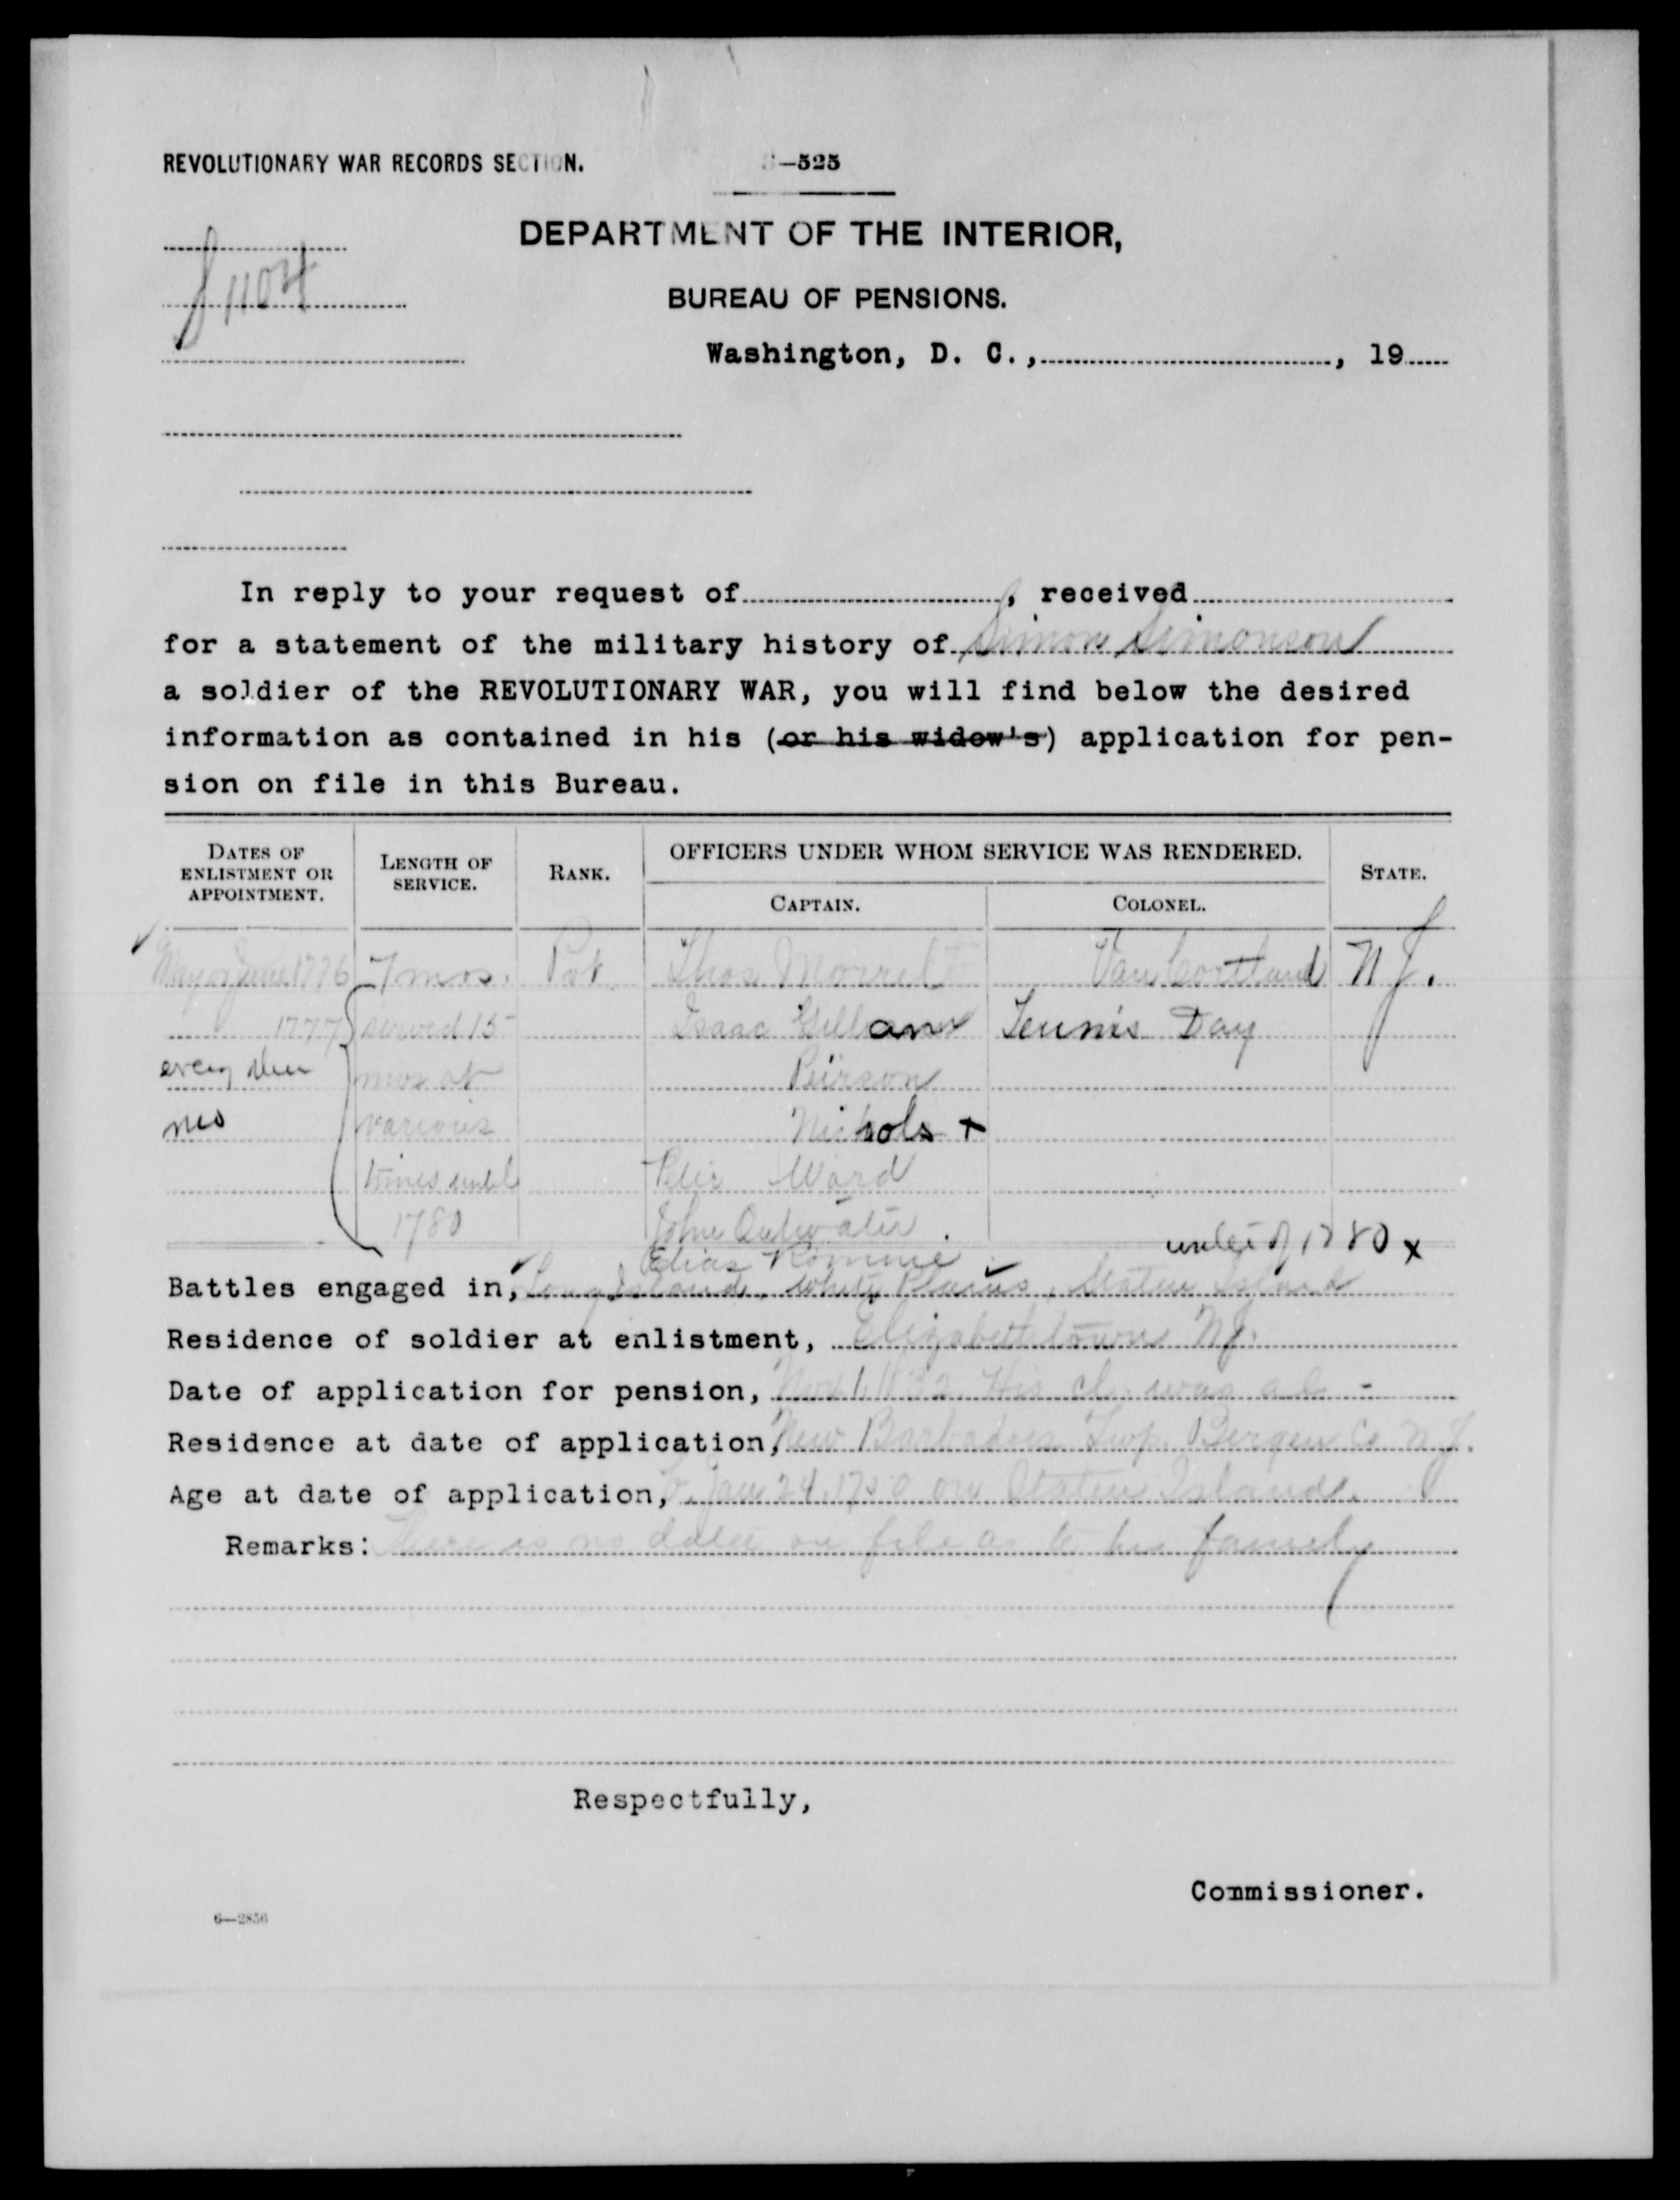REVOLUTIONARY WAR RECORDS SECTION.
3- 525
--------
S1104

DEPARTMENT OF THE INTERIOR.
BUREAU OF PENSIONS.
Washington, D. C., _________, 19__

In reply to your request of _________,received _____________ for a statement of the military history of Simon Simonson a soldier of the REVOLUTIONARY WAR, you will find below the  information as contained in his ['(or his widow's)' crossed out] application for pension
on file in this Bureau.
------------------------------
[table follows with 5 columns; column headings are as follows:]
(1) DATES OF ENLISTMENT OR APPOINTMENT.
(2) LENGTH OF SERVICE.
(3) RANK.
(4) OFFICERS UNDER WHOM SERVICE WAS RENDERED. {sub-headings:  a. CAPTAIN.
b. COLONEL.}
(5) STATE.

[text beneath column headings as follows:]
(1) May or June 1776, 1777, every other mo.
(2) 7 mos., served 15 mos. at various times until 1780
(3) Pvt.
(4) a. Thos. Morrel, Isaac Gillam, Pierson, Nichols+, Peter Ward, John Outwater, Elias Romine. b. Van Cortland, Teunis Day
(5) N.J.
[end of table]

Battles engaged in, __ Long Island, White Plains, Staten Island.  winter of 1780x ___
Residence of soldier at enlistment,  ___ Elizabethtown N.J. ______
Date of application for pension, ____ Nov. 1, 1832. His cl. was al. ___
Residence at date of application, ___ New Barbadoes Twp. Bergen Co. N.J.. _____
Age at date of application, ___ b. Jan. 24, 1750 on Staten Island. _____
Remarks: ___ There is no data on file as to his family _______

Respectfully,
Commissioner.



6 -- 2856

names: John Outwater; Elias Romine; Elis Ward; Teunis Day; Isaac Gillam; [BLANK] Peirson; Thos Morrell; [BLANK] Van Coatland; Simon Simonson; [BLANK] Nichols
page: 19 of 30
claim: survivor's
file: S. 1104, for Simon Simonson, New Jersey